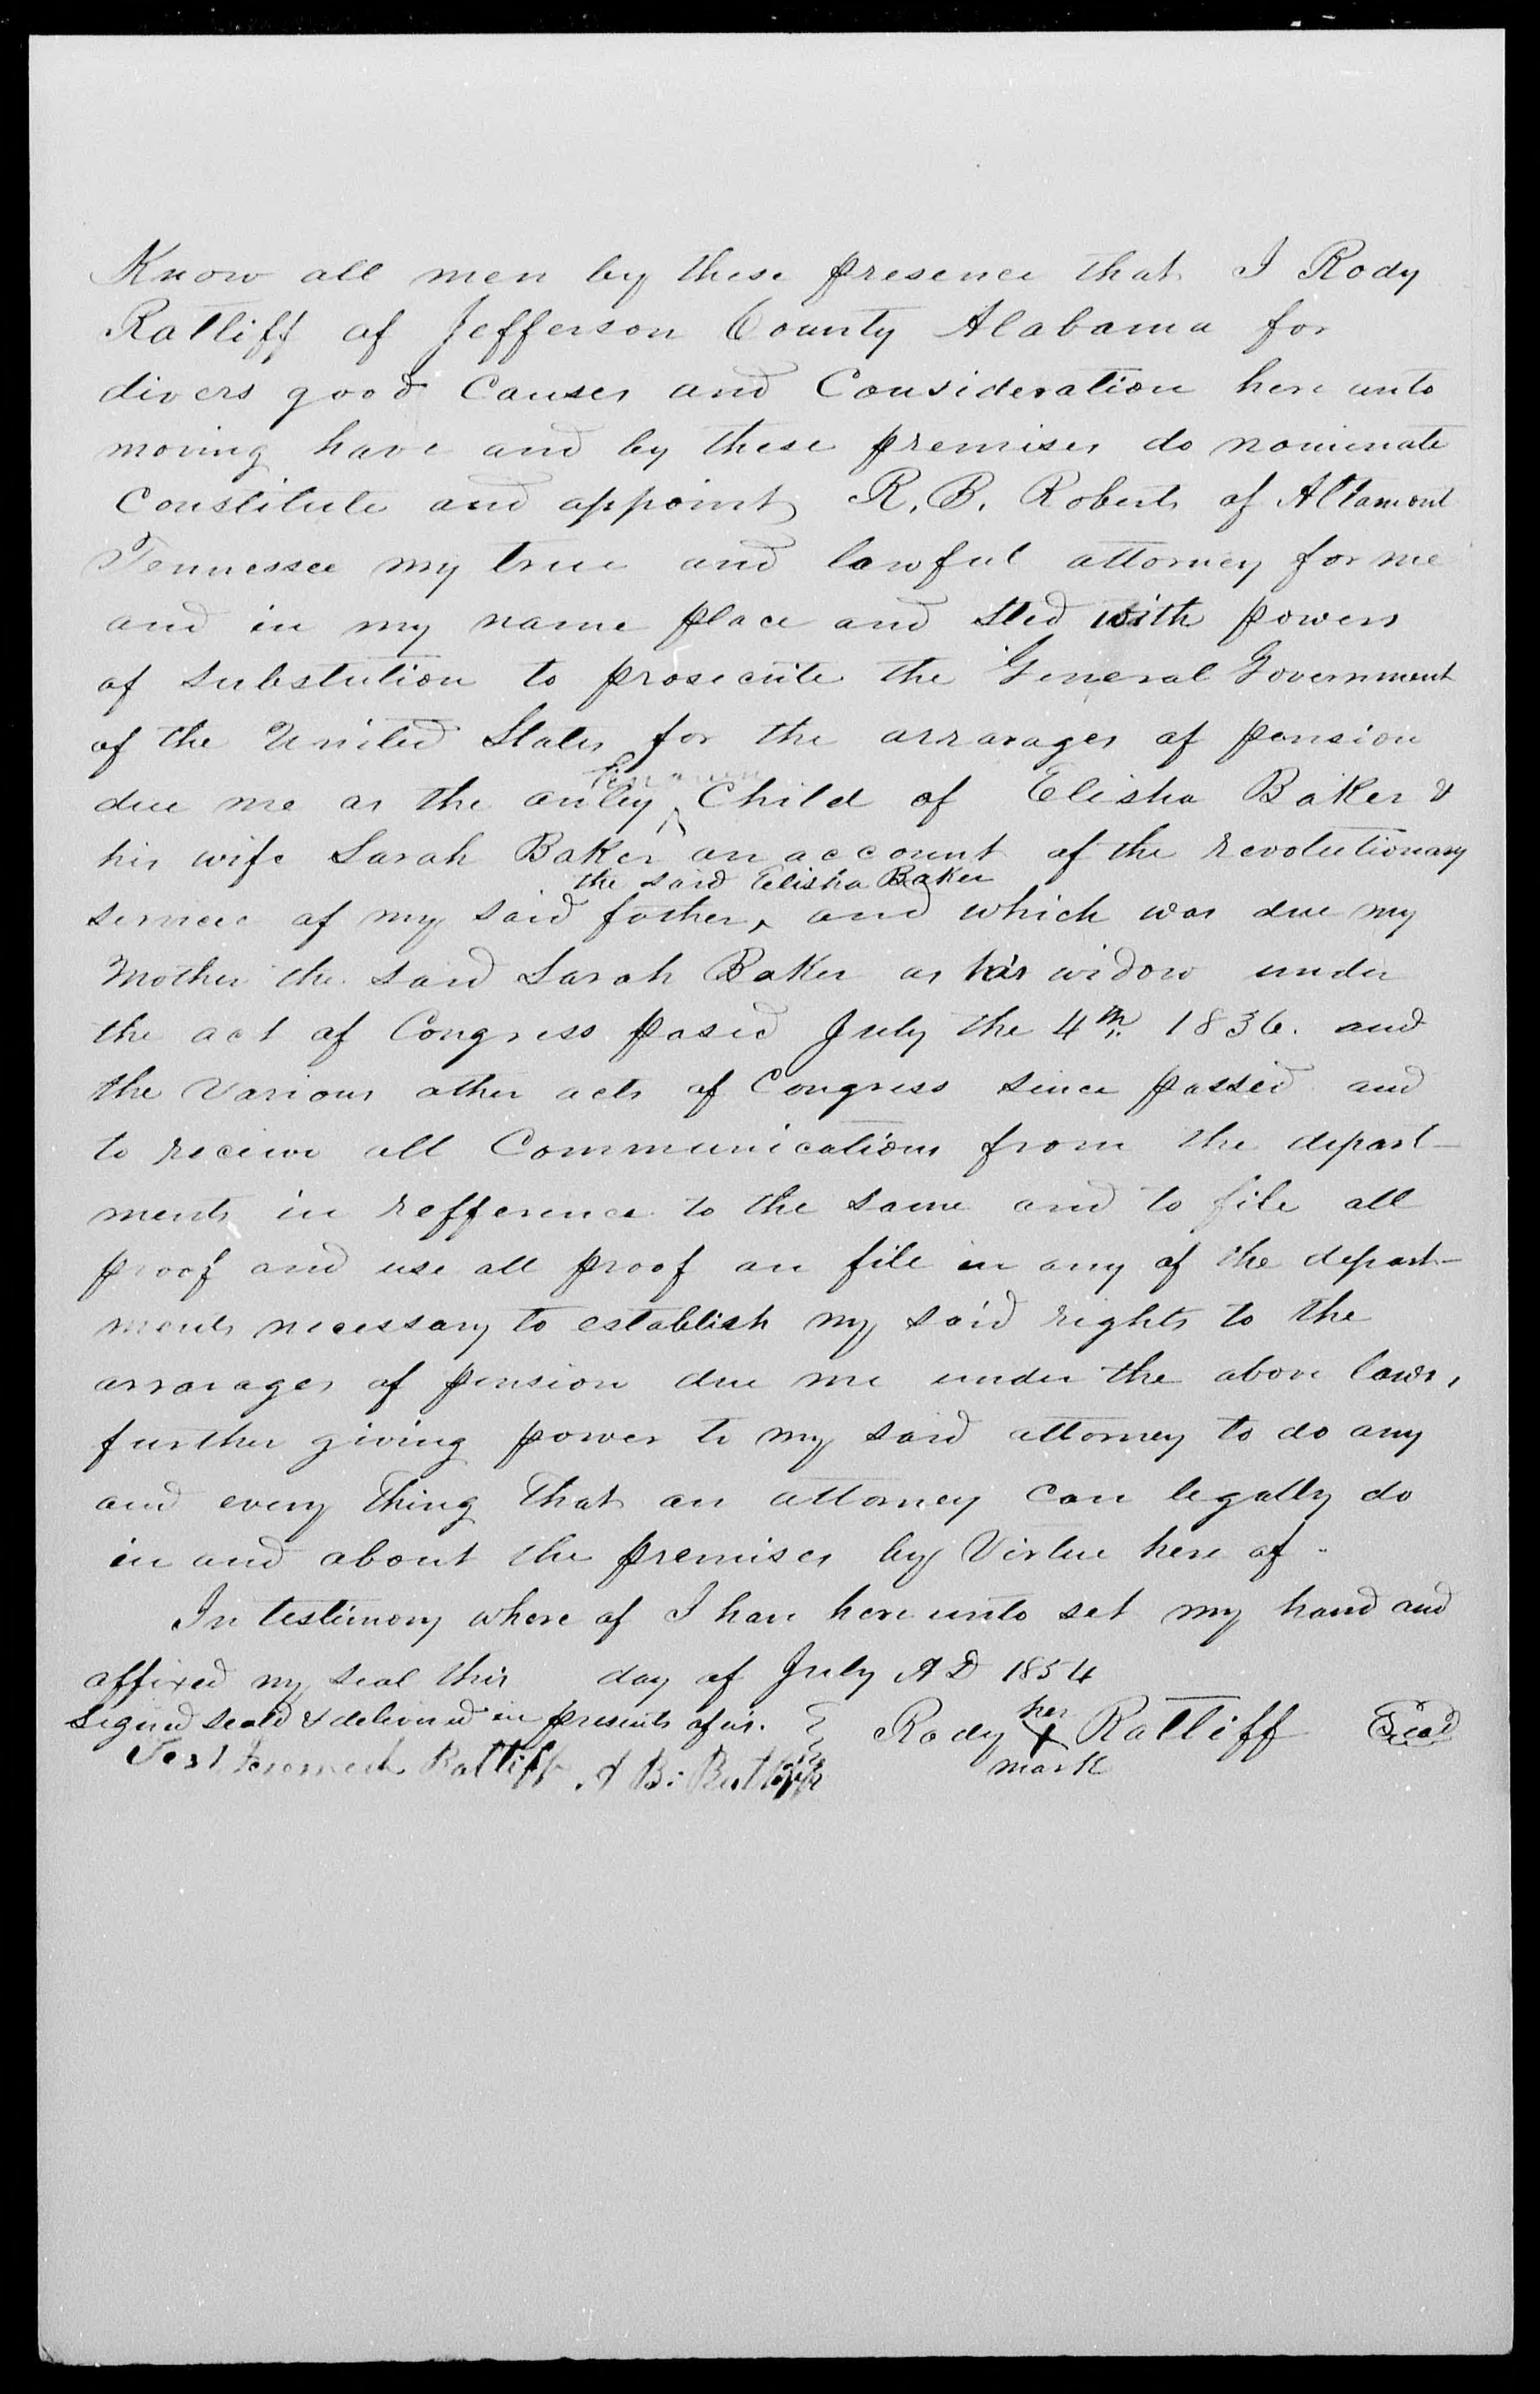Know all men by these presence that I Rody Ratliff of Jefferson County Alabama for divers good causes and consideration here unto moving have and by these premises do nominate constitute and appoint R.B. Roberts of Altamont Tennessee my true and lawful attorney for me and and in my name place and Sted with powers of Substution [sic] to prosicute  [sic] the General Government of the United States for the arrarges [arreages] of pension due me as the only known child of Elisha Baker & his wife Sarah Baker on account of the revolutionary service of my said father, the said Elisah Baker and which was due my Mother the said Sarah Baker as his widow under the act of Congress pa[s]sed July the 4th 1836. and the various other acts of Congress since passed and to receive all Communications from the departments in refference [sic] to the same and to file all proof and use all proof on file in any of the departments necessary to establish my said rights to the manager of pension due me under the above law, further giving power to my said attorney to do any and every thing that an attorney can legally do in and about the premises by Virtue here of.
In testimony where of I have here unto set my hand affixed my seal this [blank] day of July AD 1854
Signed Seald & delivered in presents of wi.
[illegible] Jeremiah [?] Ratliff 
J.B. Ratliff}
Rody Ratliff her X mark  {seal}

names: Rody Ratliff, Rody Ratliff, R B Roberts, Jeremiah Ratliff, Elisha Baker, Sarah Baker, A B Ratliff, Sarah Baker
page: 14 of 22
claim: rejected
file: R. 411, Elisha Baker, N.C.